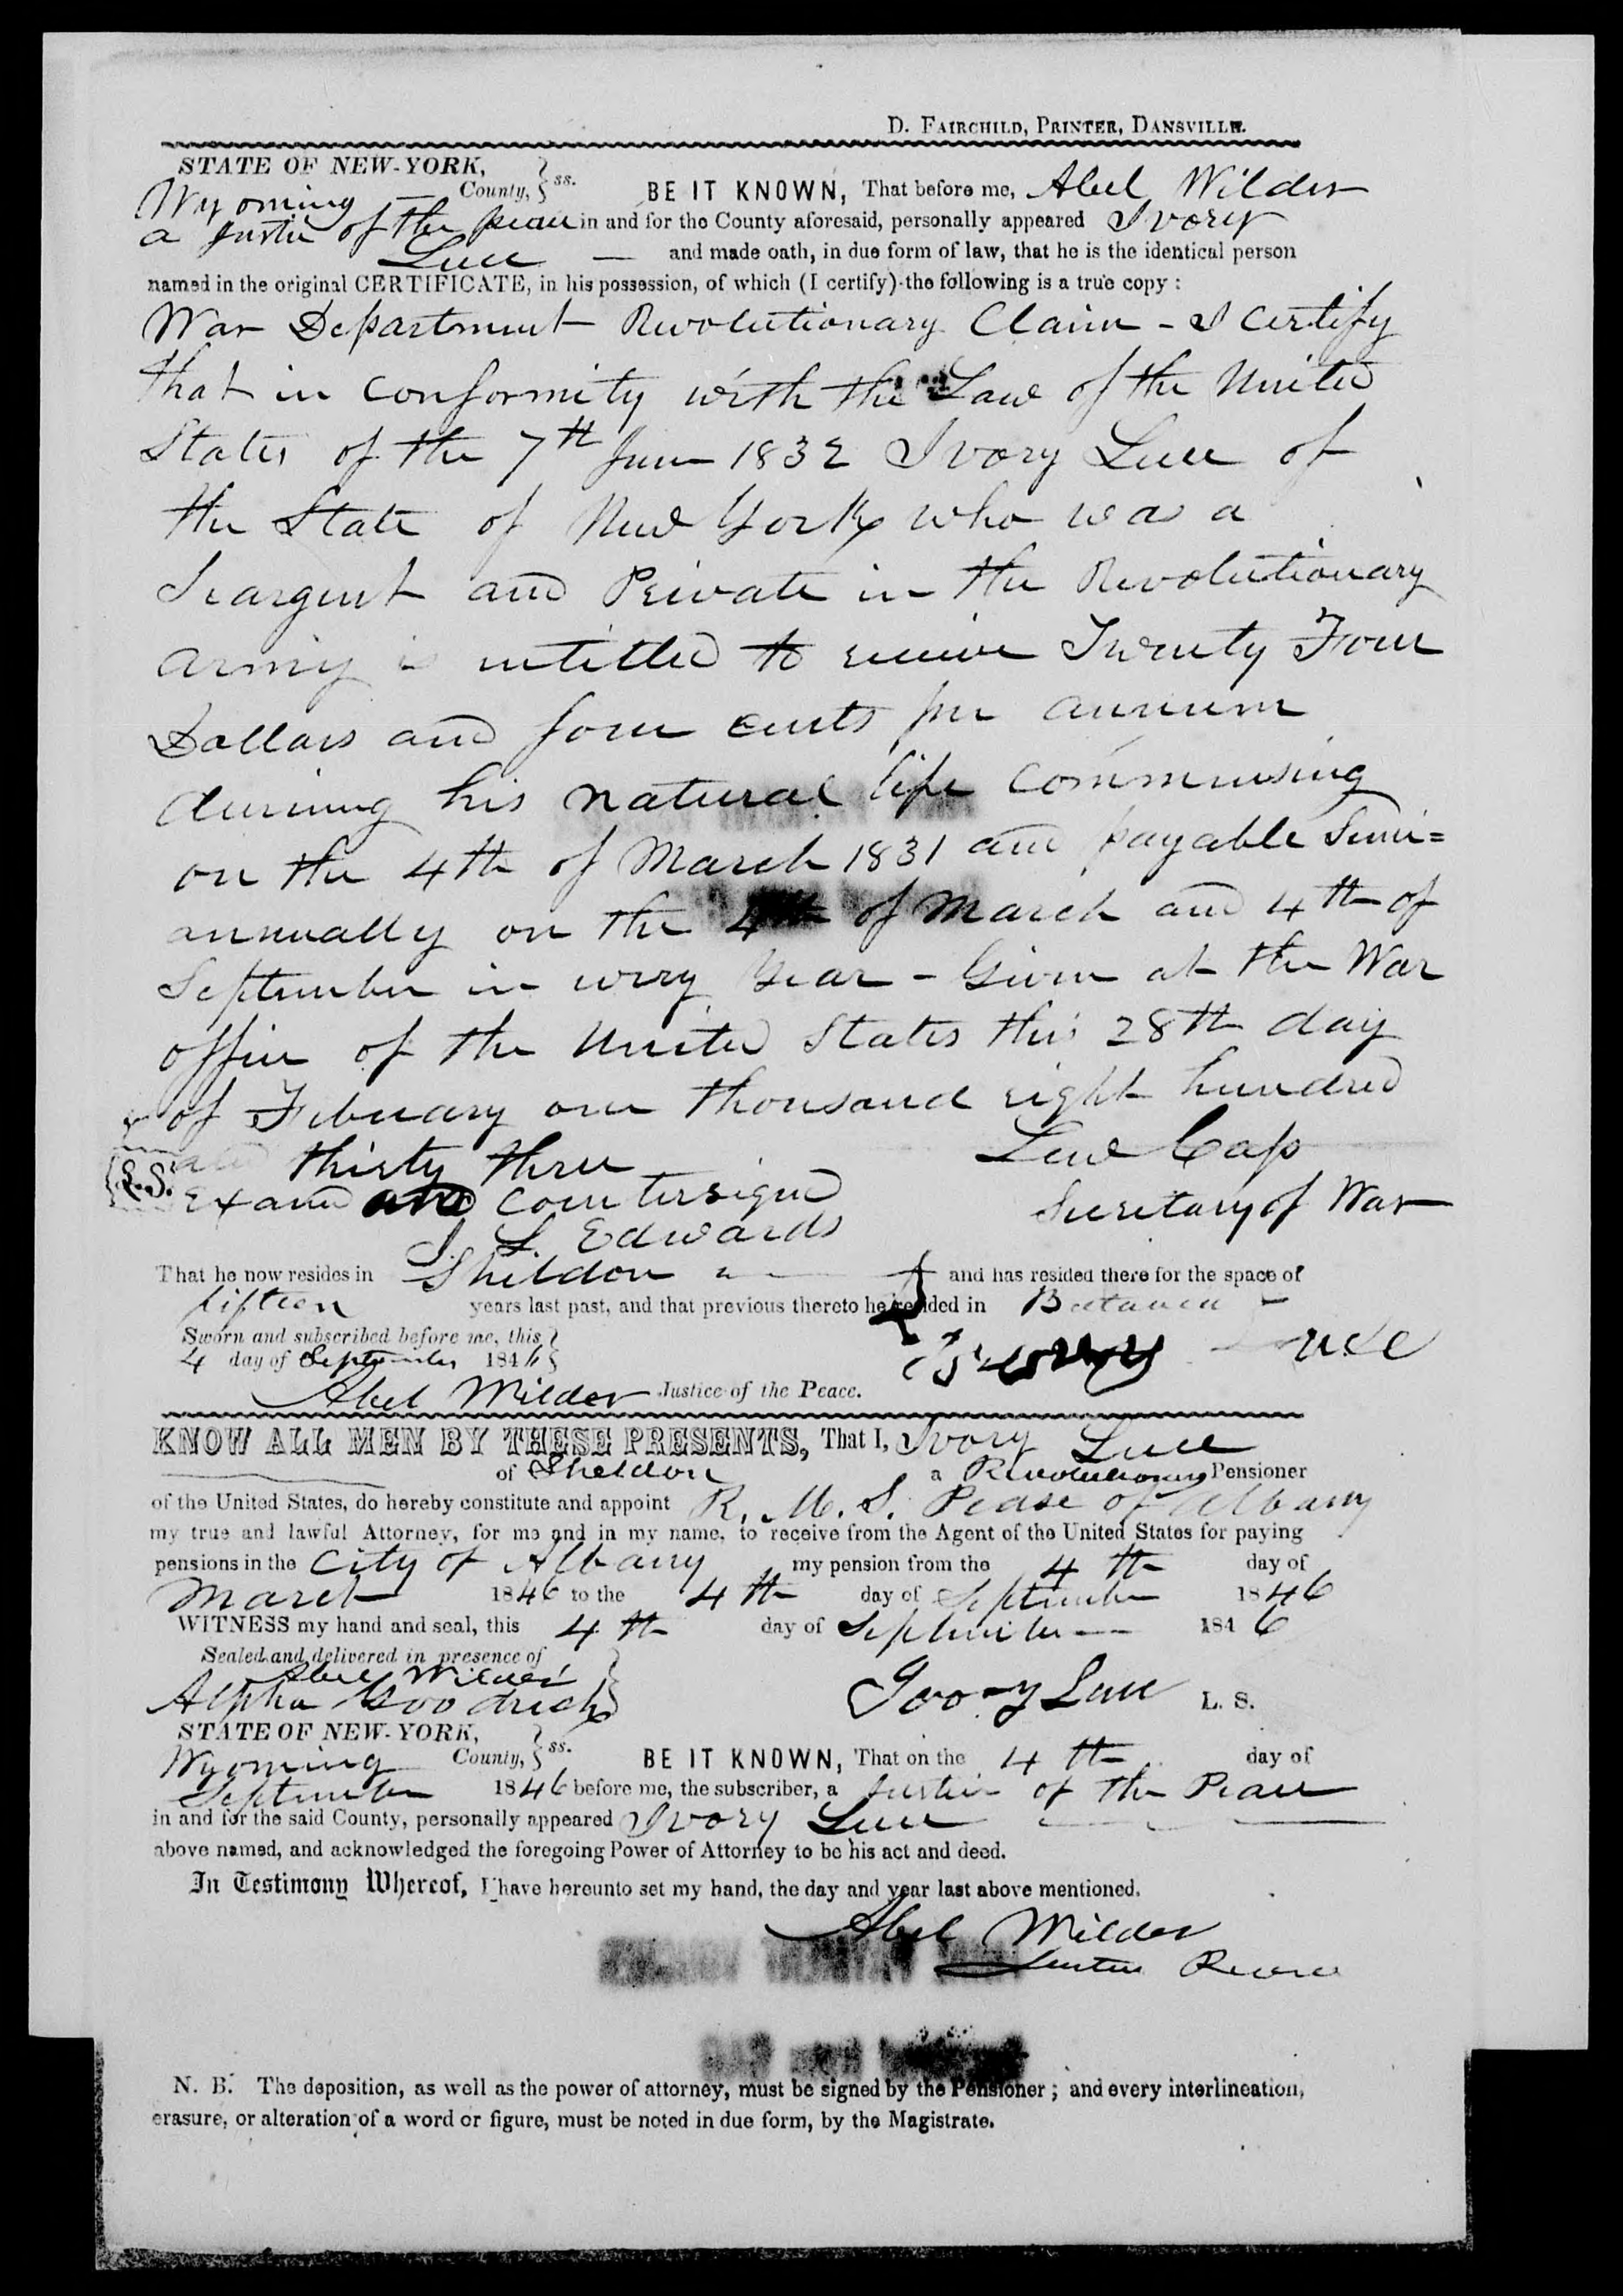D. Fairchild, Printer, Dansville.

STATE OF NEW YORK,
Wyoming County, 

BE IT KNOWN, That before me, Abel Wilder a Justice of the peace in and for the County aforesaid, personally appeared Ivory Luce - and made oath, in due form of law, that he is the identical person named in the original CERTIFICATE, in his possession of which (I certify) the following is a true copy:

War Department Revolutionary Claim - I certify that in conformity with the Law of the United States of the 7th Jun 1832 Ivory Luce of the State of New York who was a Sergeant and Private in the Revolutionary Army is entitled to receive Twenty Four Dollars and four cents per annum during his natural life commensing on the 4th of March 1831 and payable Semi-annually on the 4th of March and 4th of September in every year - Given at the War Office of the United States this 28th day of February one thousand eight hundred and thirty three

[signed]
Lew Cass
Secretary of War

S.S. Exam and countersign
J. L. Edwards

That he now resides in Sheldon and has resided there for the space of fifteen years last past, and that previous thereto he resided in Batavia

[signed]
Ivory Luce

Sworn and subscribed before me this
4 day of September 1846
[signed]
Abel Wilder Justice of the Peace.

KNOW ALL MEN BY THESE PRESENTS, That I, Ivory Luce of Sheldon a Revolutionary Pensioner of the United States, do hereby constitute and appoint R.M.S. Pease of Albany my true and lawful Attorney, for me and in my name, to receive from the Agent of the United States for paying pensions in the City of Albany my pension from the 4th day of March 1846 to the 4th day of September 1846
[signed] 
Ivory Luce L.S.

WITNESS my hand and seal, this 4th day of September 1846
Sealed and delivered in presence of

[signed]
Abel Wilder
Alpha Goodrich

STATE OF NEW YORK,
Wyoming County

BE IT KNOWN, That on the 4th day of September 1846 before me, the subscriber a Justice of the Peace in and for the said County, personally appeared Ivory Luce above named, and acknowledged the foregoing Power of Attorney to be his act and deed.

In Testimony Whereof, I have hereunto set my hand, the day and year last above mentioned.

[signed]
Abel Wilder
Justice Peace

N. B. the deposition, as well as the power of attorney, must be signed by the Pensioner; and every interlineation, erasure, or alteration of a word or figure, must be noted in due form, by the Magistrate.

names: J L Edwards; D Fairchild; Abel Wilder; R M S Pease; Ivory Luce; Alpha Goodrich; Lew Cass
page: 50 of 70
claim: rejected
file: R. 6510, for Israel Luce, New York